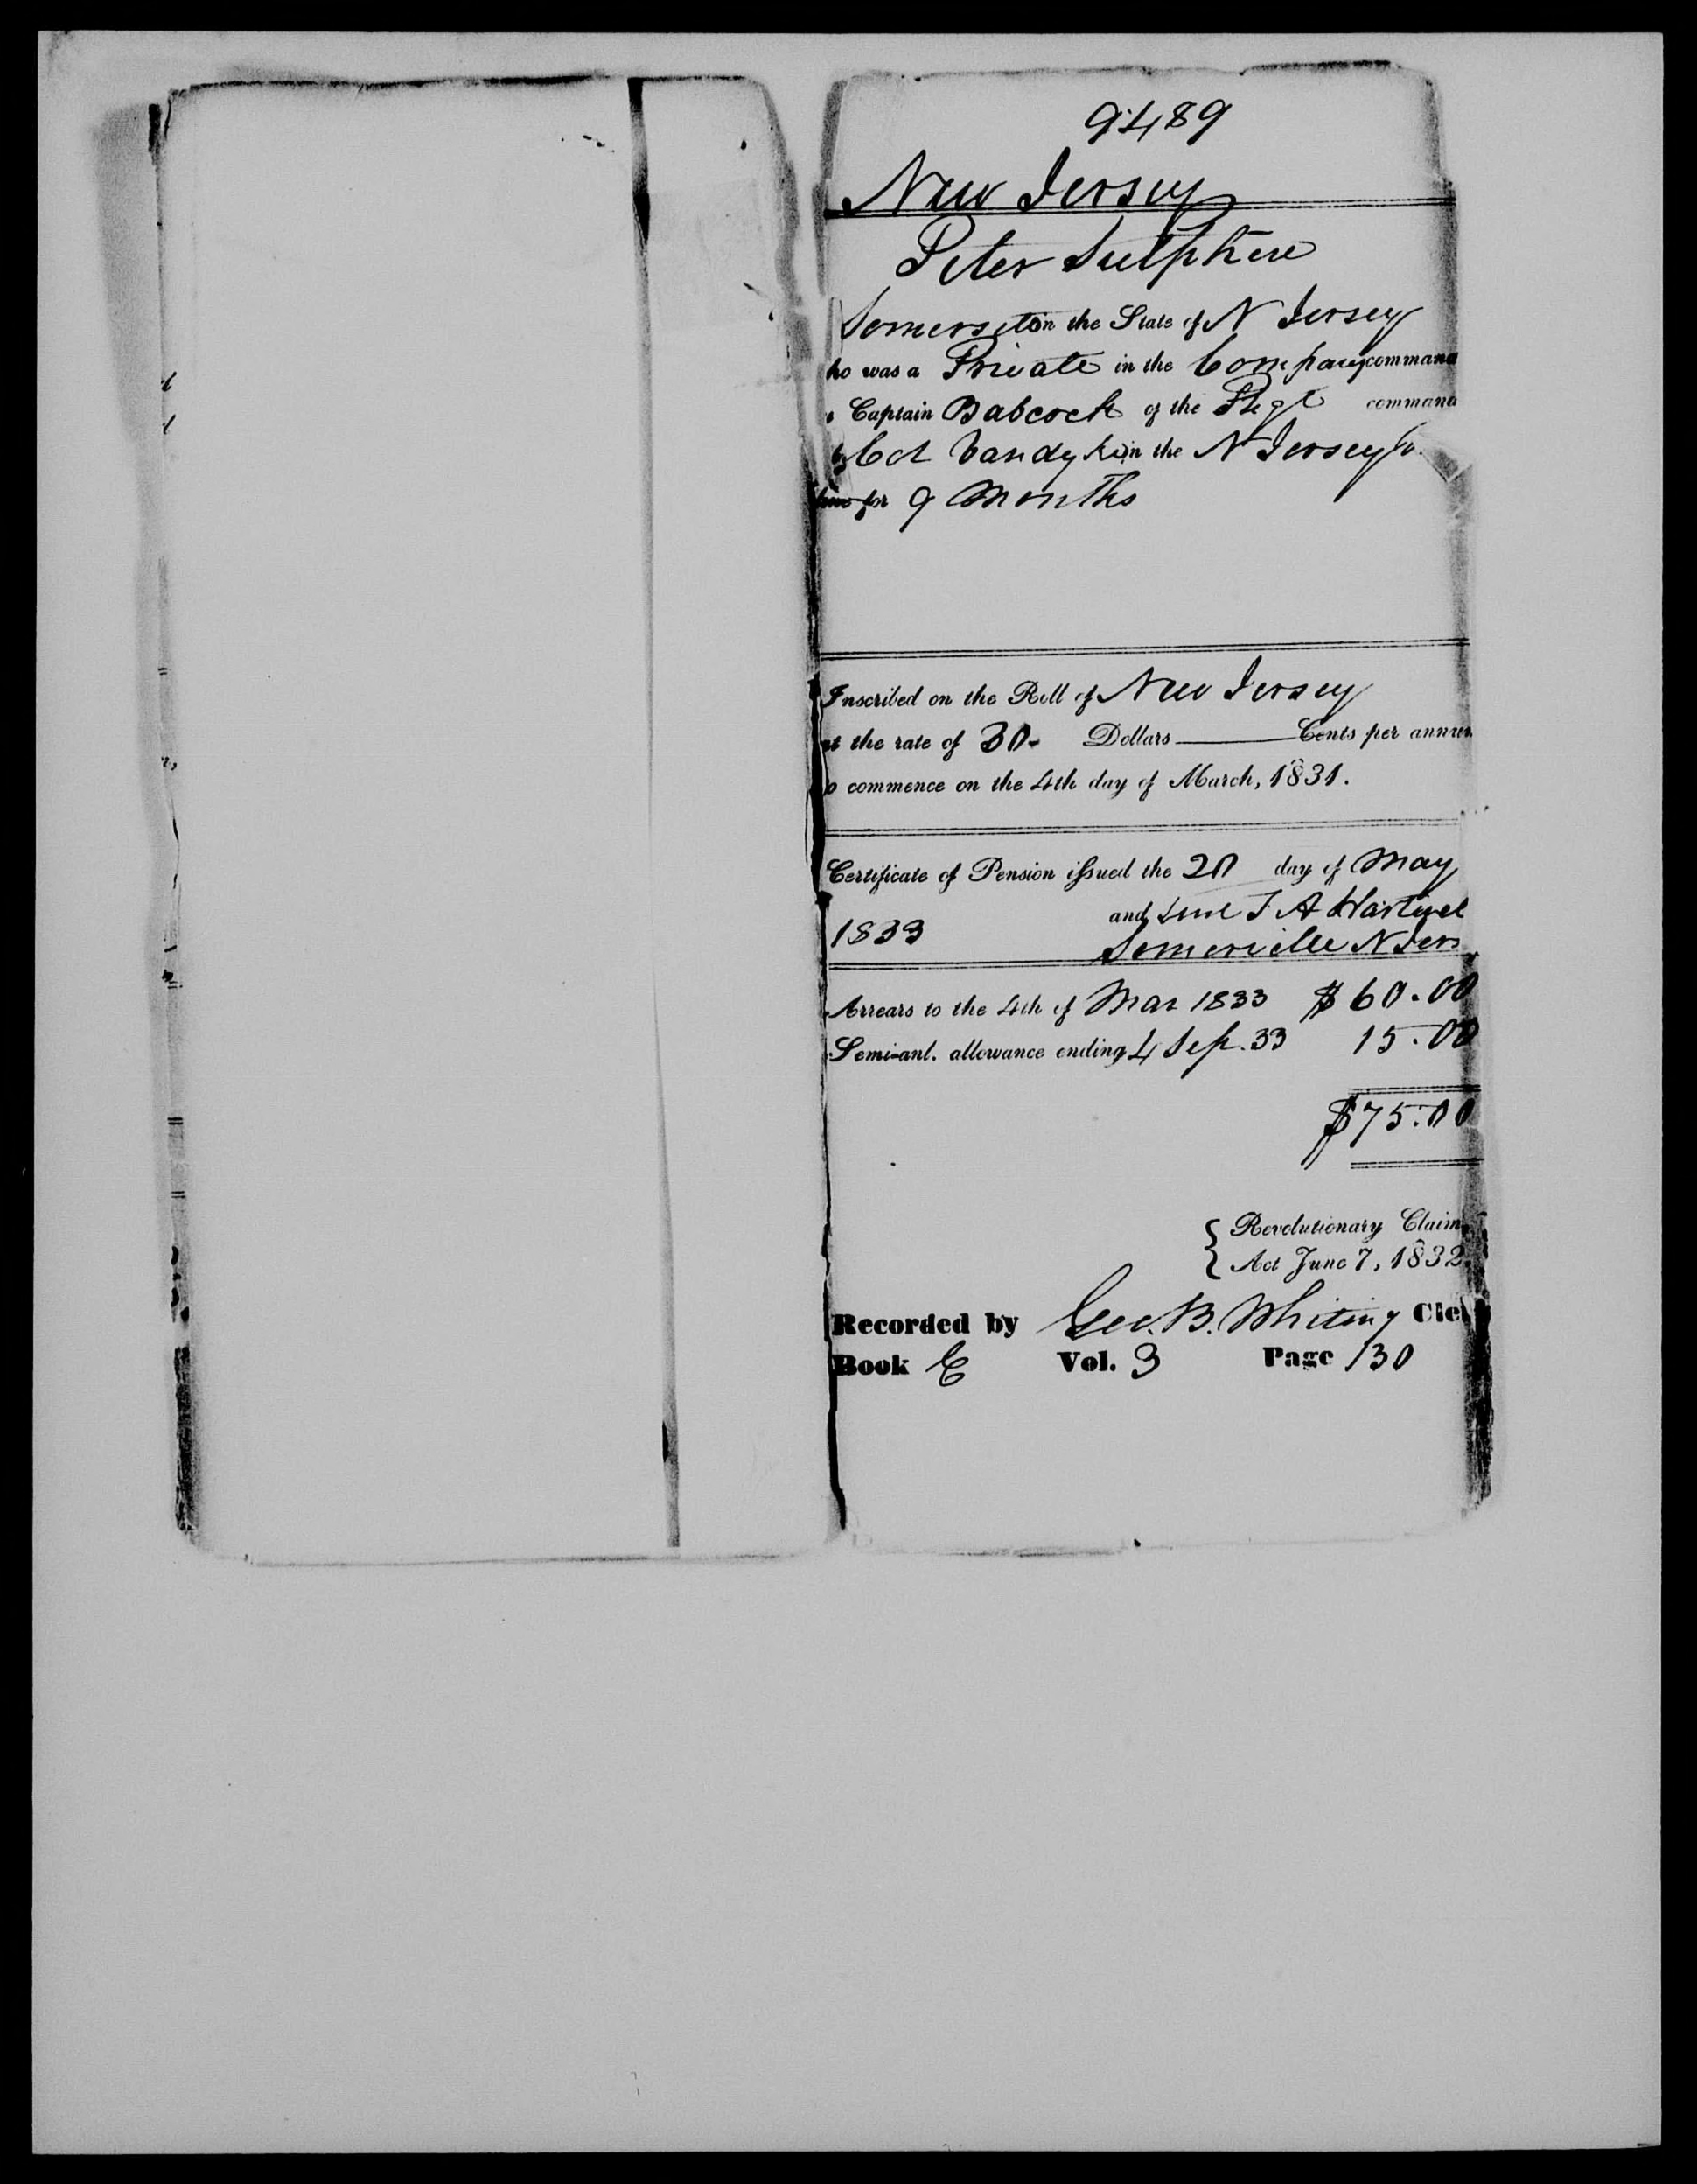9489
New Jersey
Peter Sutphen
 [Illegible] in the State of N Jersey  he was a Private in the Company commanded by Captain Babcock of the Reg. commanded by Col.  Bandyko (sp?) in the N Jersey for 9 months

Inscribed on the roll of New Jersey at the rate of 30 Dollars ____ Cents per annum to commence on the 4th day of March, 1831.

Certificate of Pension issued the 20 day of May, 1833 and [illegible] J.A. Hartford Somerville N Jers

Arrears to the 4th of Mar 1833             $60.00
Semi-anl. allowance ending 4 Sep. 33     15.00
                                                               $75.00
                                                          
    








Revolutionary Claim Act June 7, 1833
Recorded by Geo. B. Whiteny Clerk
Book 6  Vol. 3 Page 130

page: 2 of 14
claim: survivor's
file: S. 1119, for Peter Sutphen, New Jersey